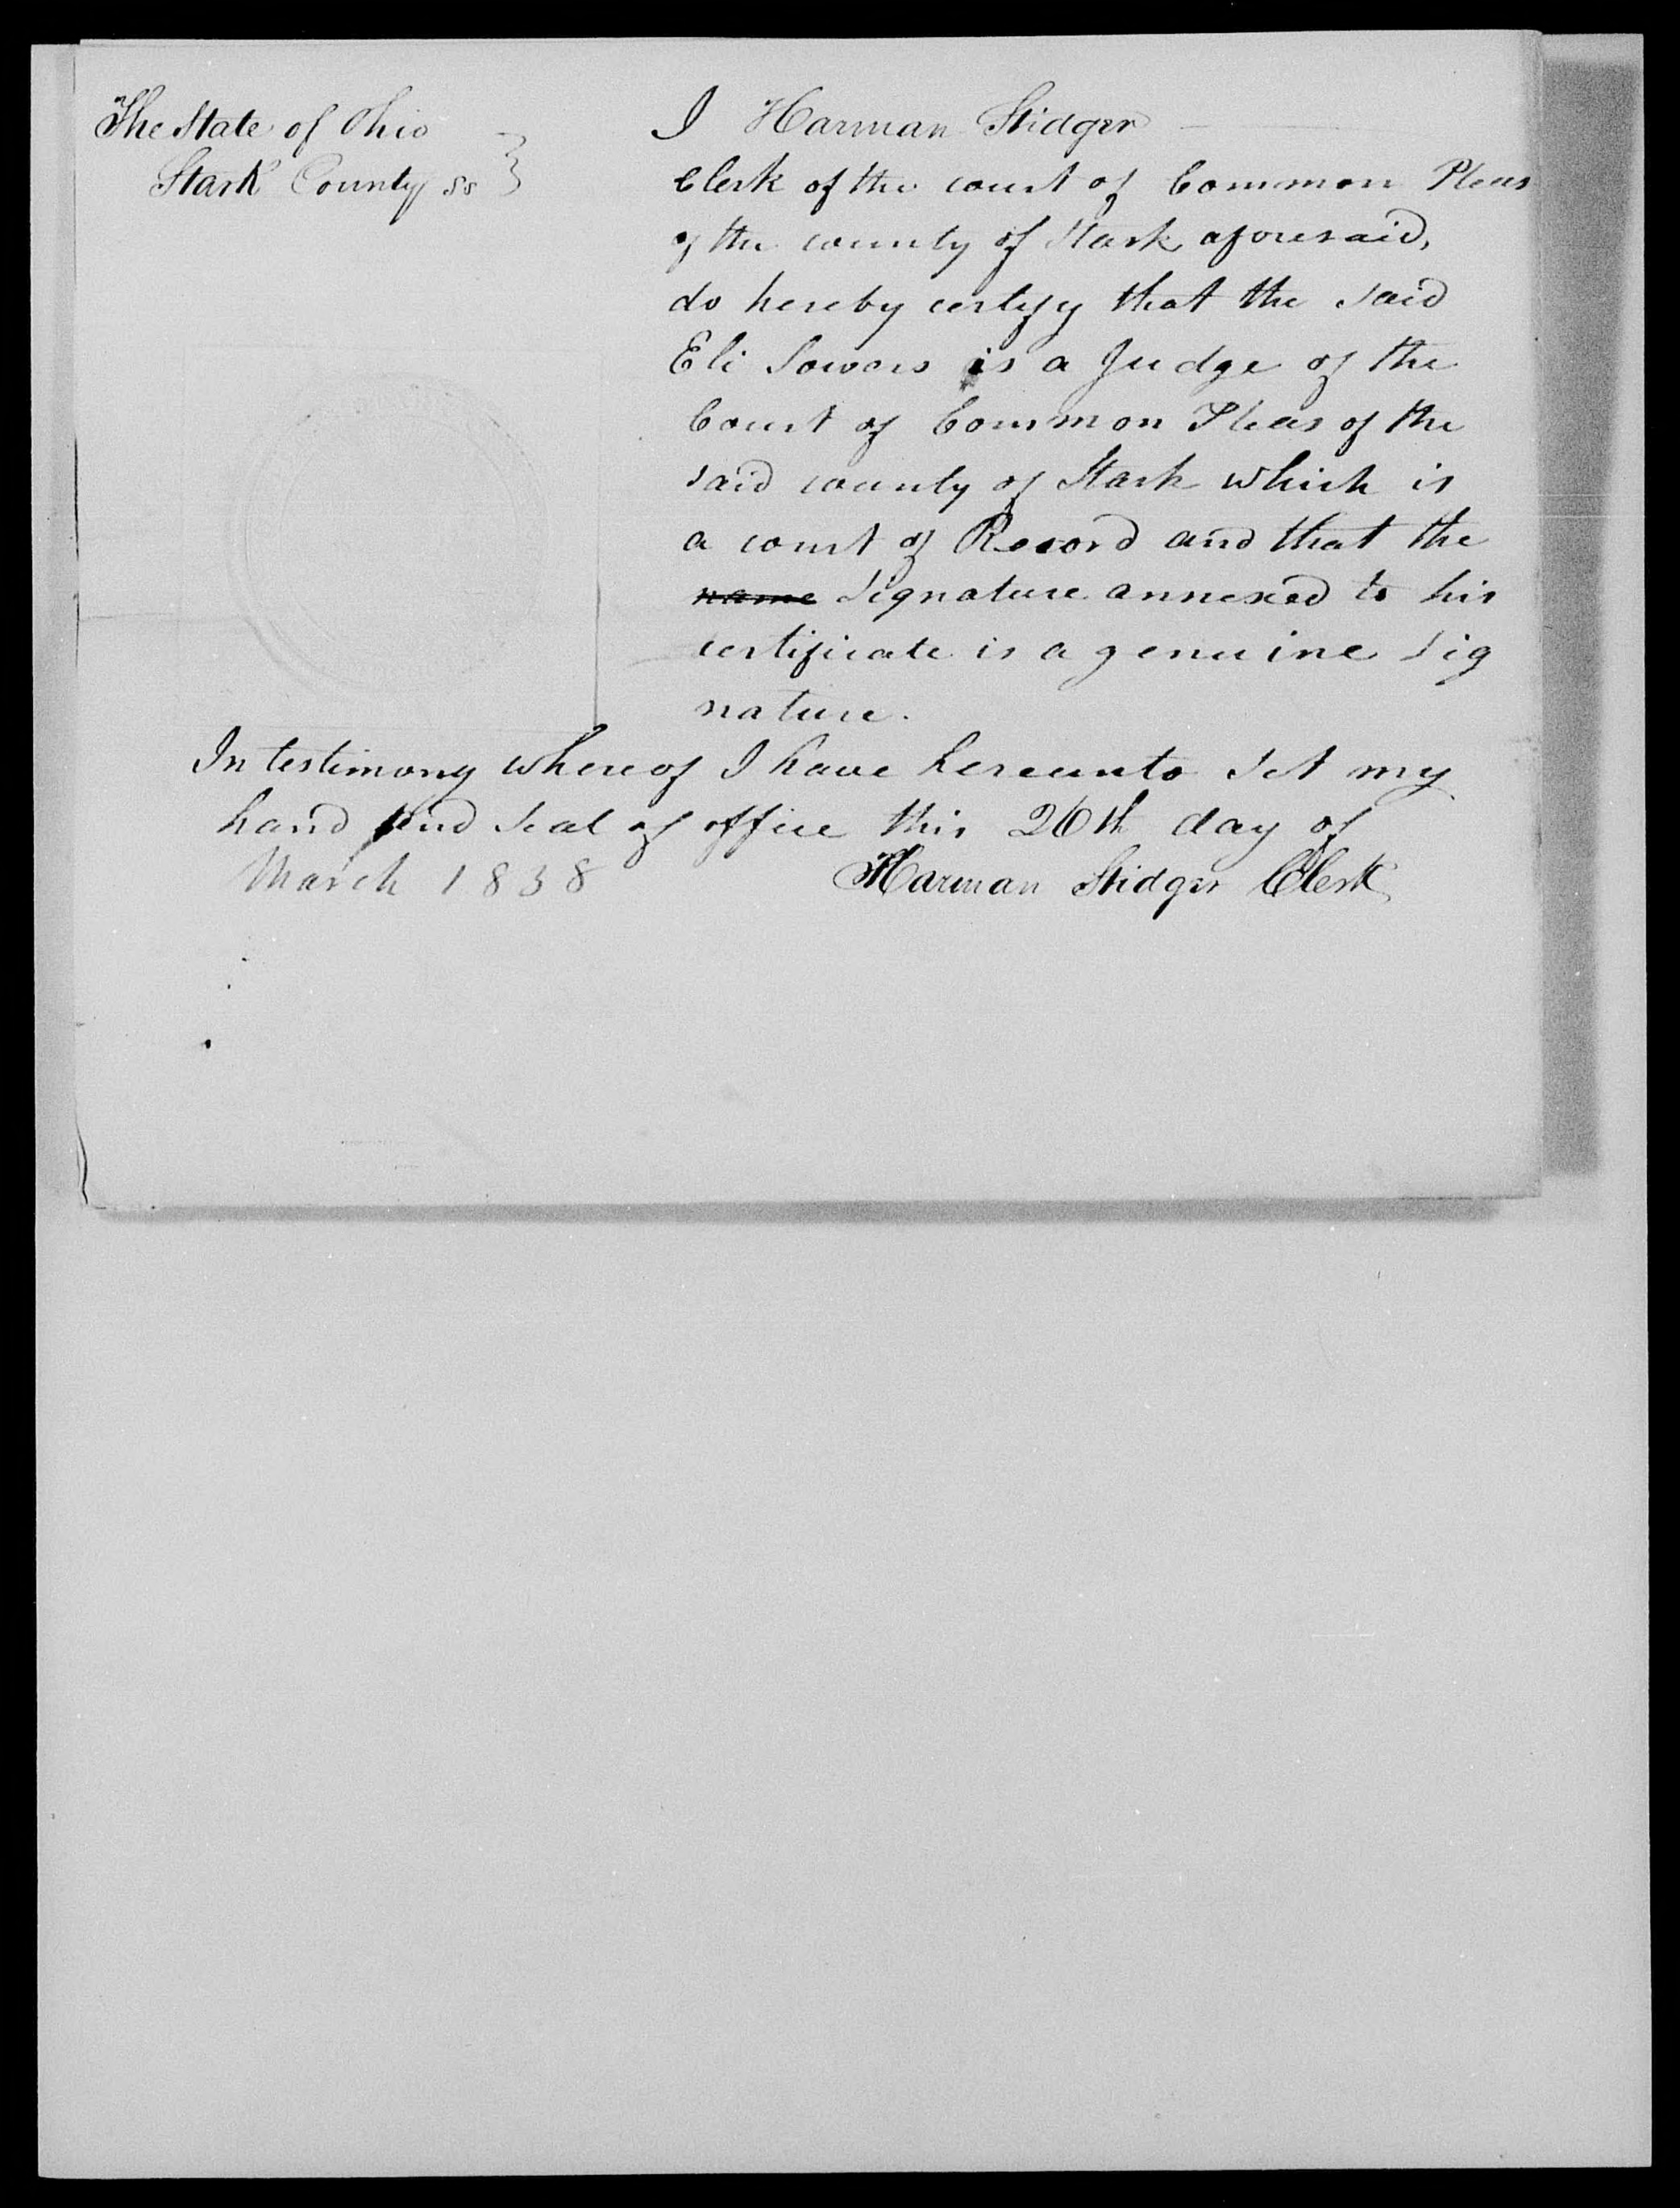The State of Ohio
Stark County

I Harman Stidger, Clerk of the Court of Common Pleas of the county of Stark aforesaid, do hereby certify that the said Eli Sowers is a Judge of the Court of Common Pleas of the said county of Stark which is a Court of Record and that the signature annexed to his certificate is a genuine signature.

In testimony whereof I have hereunto set my hand and seal of office this 26th day of March 1838.
Herman Stidger, Clerk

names: Eli Sowers; Harman Stidger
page: 6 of 22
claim: rejected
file: R. 8,319, for John Engle Pool, Pennsylvania